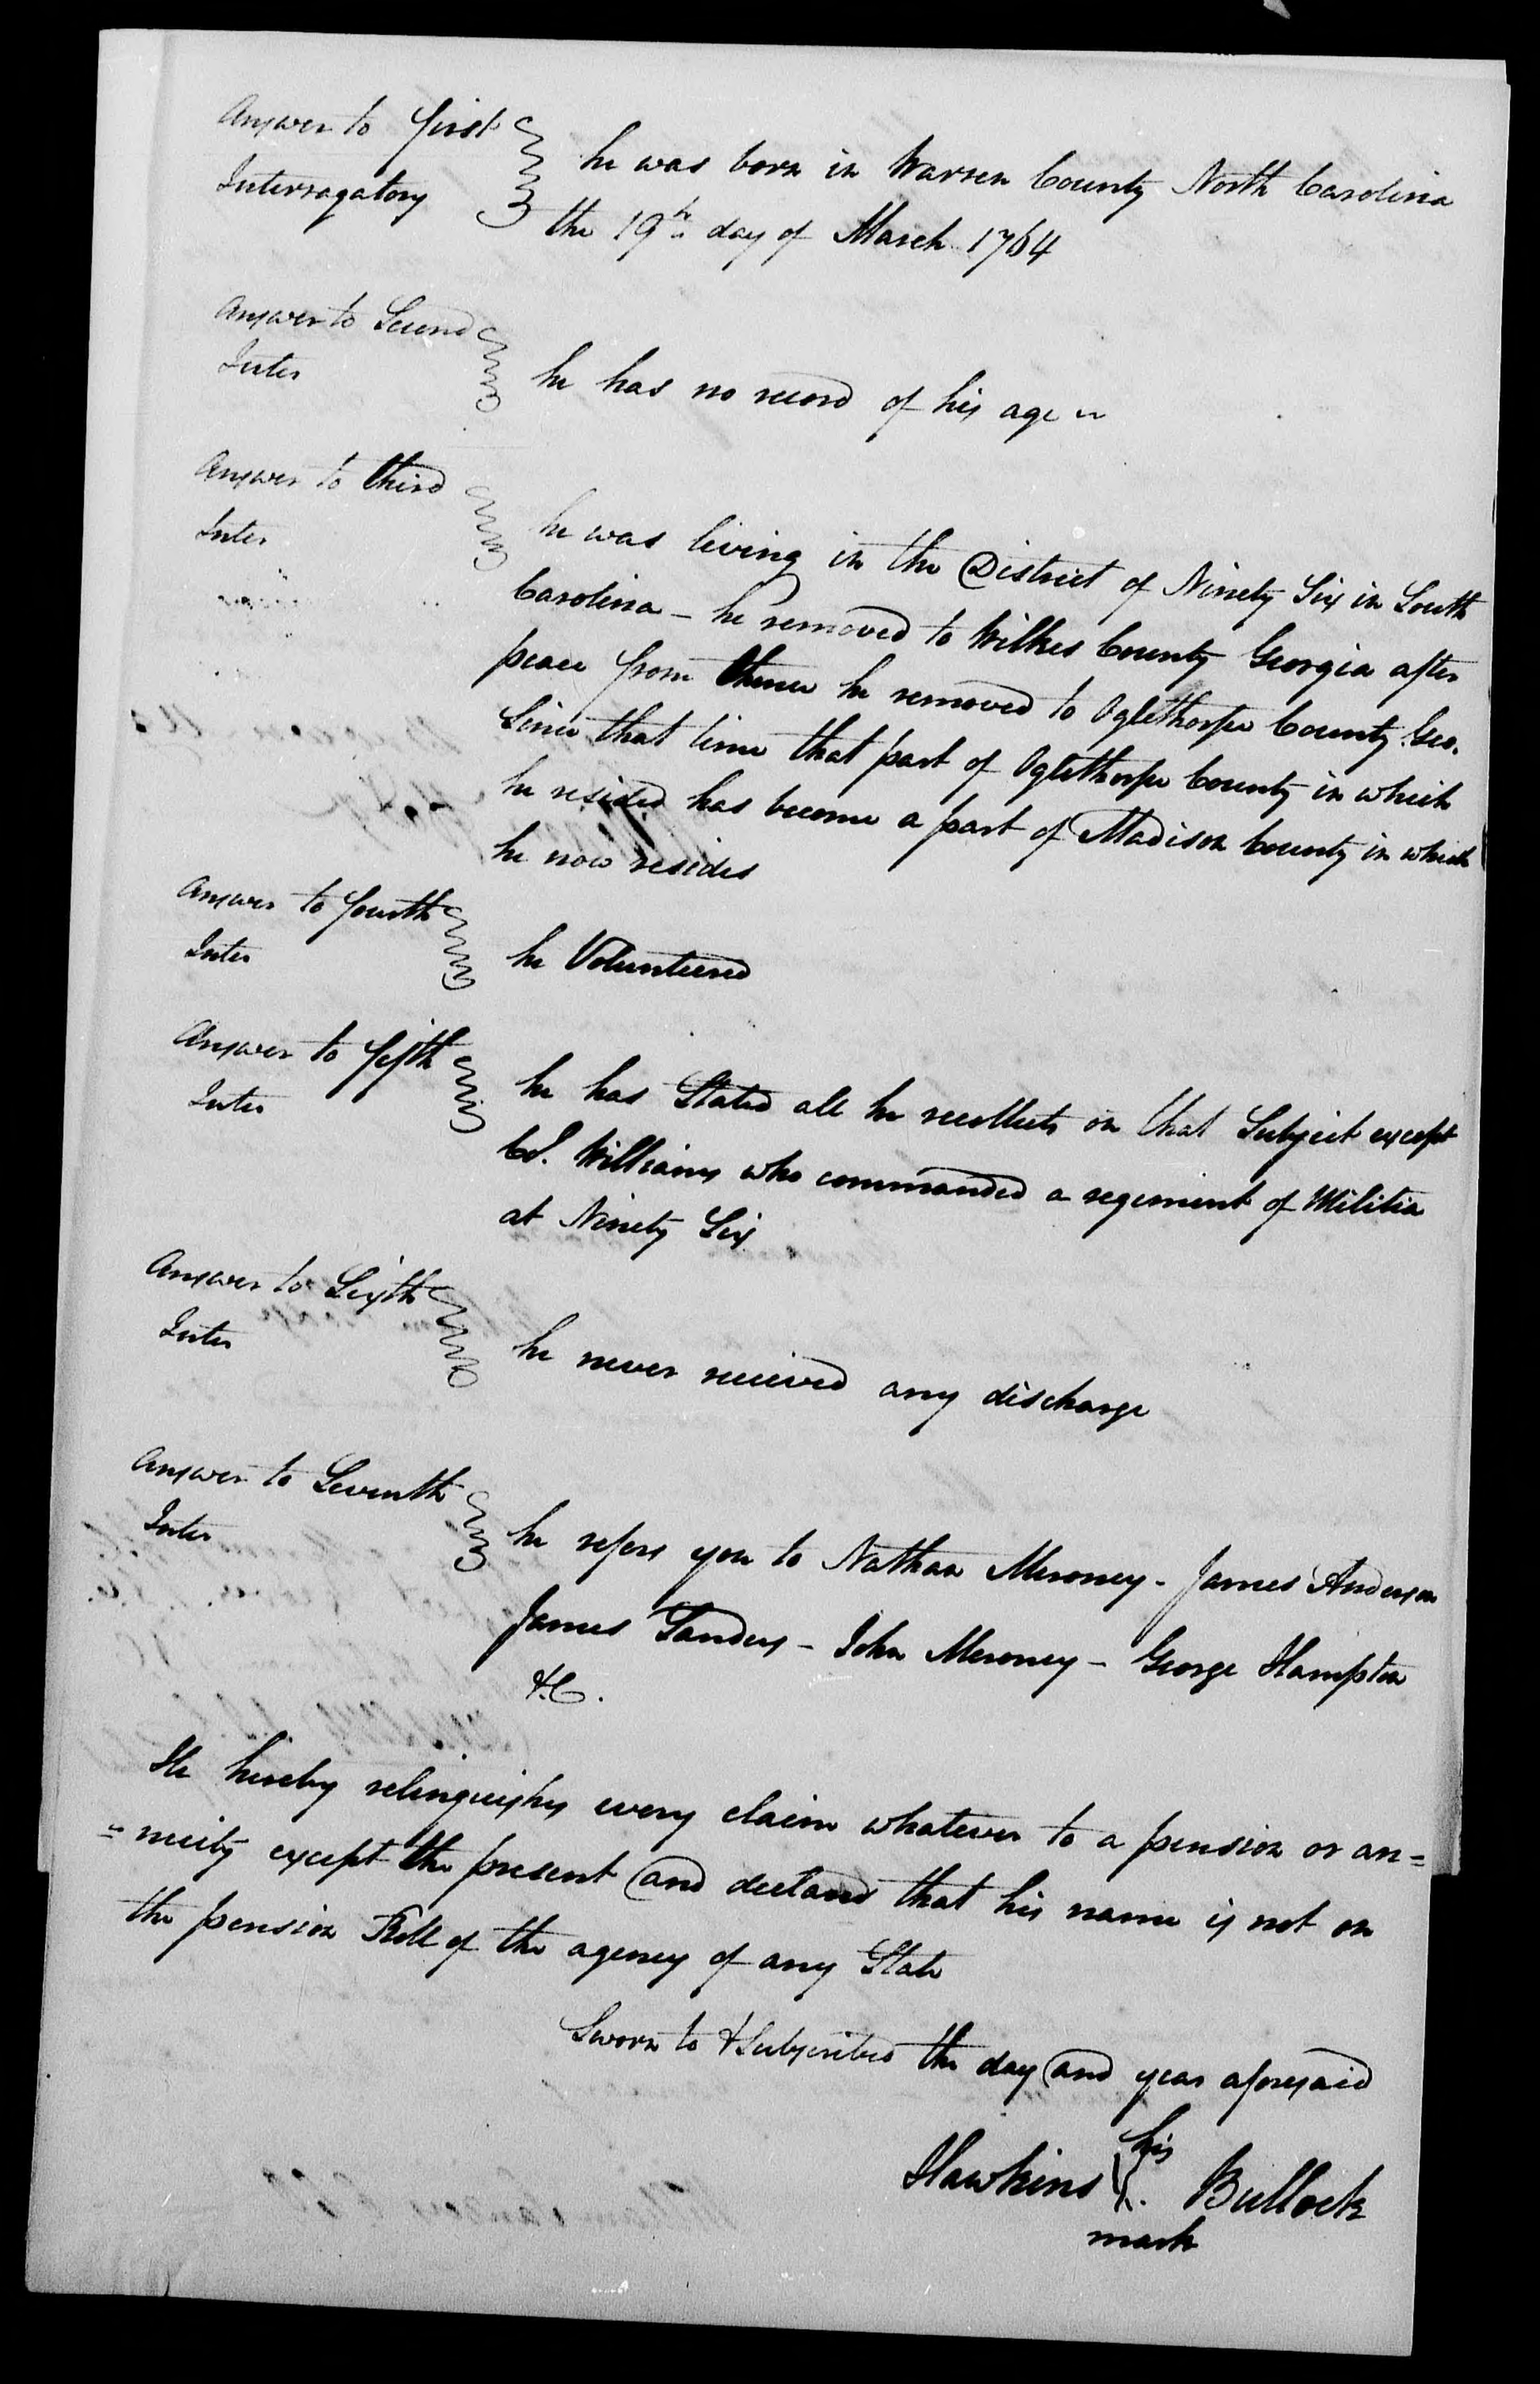Answer to first Interrogatory
he was born in Warren County North Carolina the 19th day of March 1764
Answer to Second Inter
he has no record of his age
Answer to third Inter
he was living in the District of Ninety Six in South Carolina - he removed to Wilkes County Georgia after peace from there he removed to Oglethorpe County Geo. Since that time that part of Oglethorpe County - in which he resided has been a part of Madison County in which he now resides
Answer to fourth Inter
he volunteered
Answer to fifth Inter
he has stated all he recollects on that subject except Col. Williams who commanded a regiment of Militia at Ninety Six
Answer to Sixth Inter
he never received any discharge
answer to Seventh Inter
he refers you to Nathan Meroney, James Anderson, James Sanders, John Meroney, George Hampton &C.
He hereby relinquishes every claim whatever to a pension or annuity except the present and declares that his name is not on the pension Roll of the agency of any State
Sworn to & subscribed the day and year aforesaid
Hawkins Bullock his mark X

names: Nathan Meroney, John Meroney, George Hampton, James Landey, Williams, Hawkins Bullock, James Anderson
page: 5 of 24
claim: survivor's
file: S. 31,586, Hawkins Bullock, S.C.